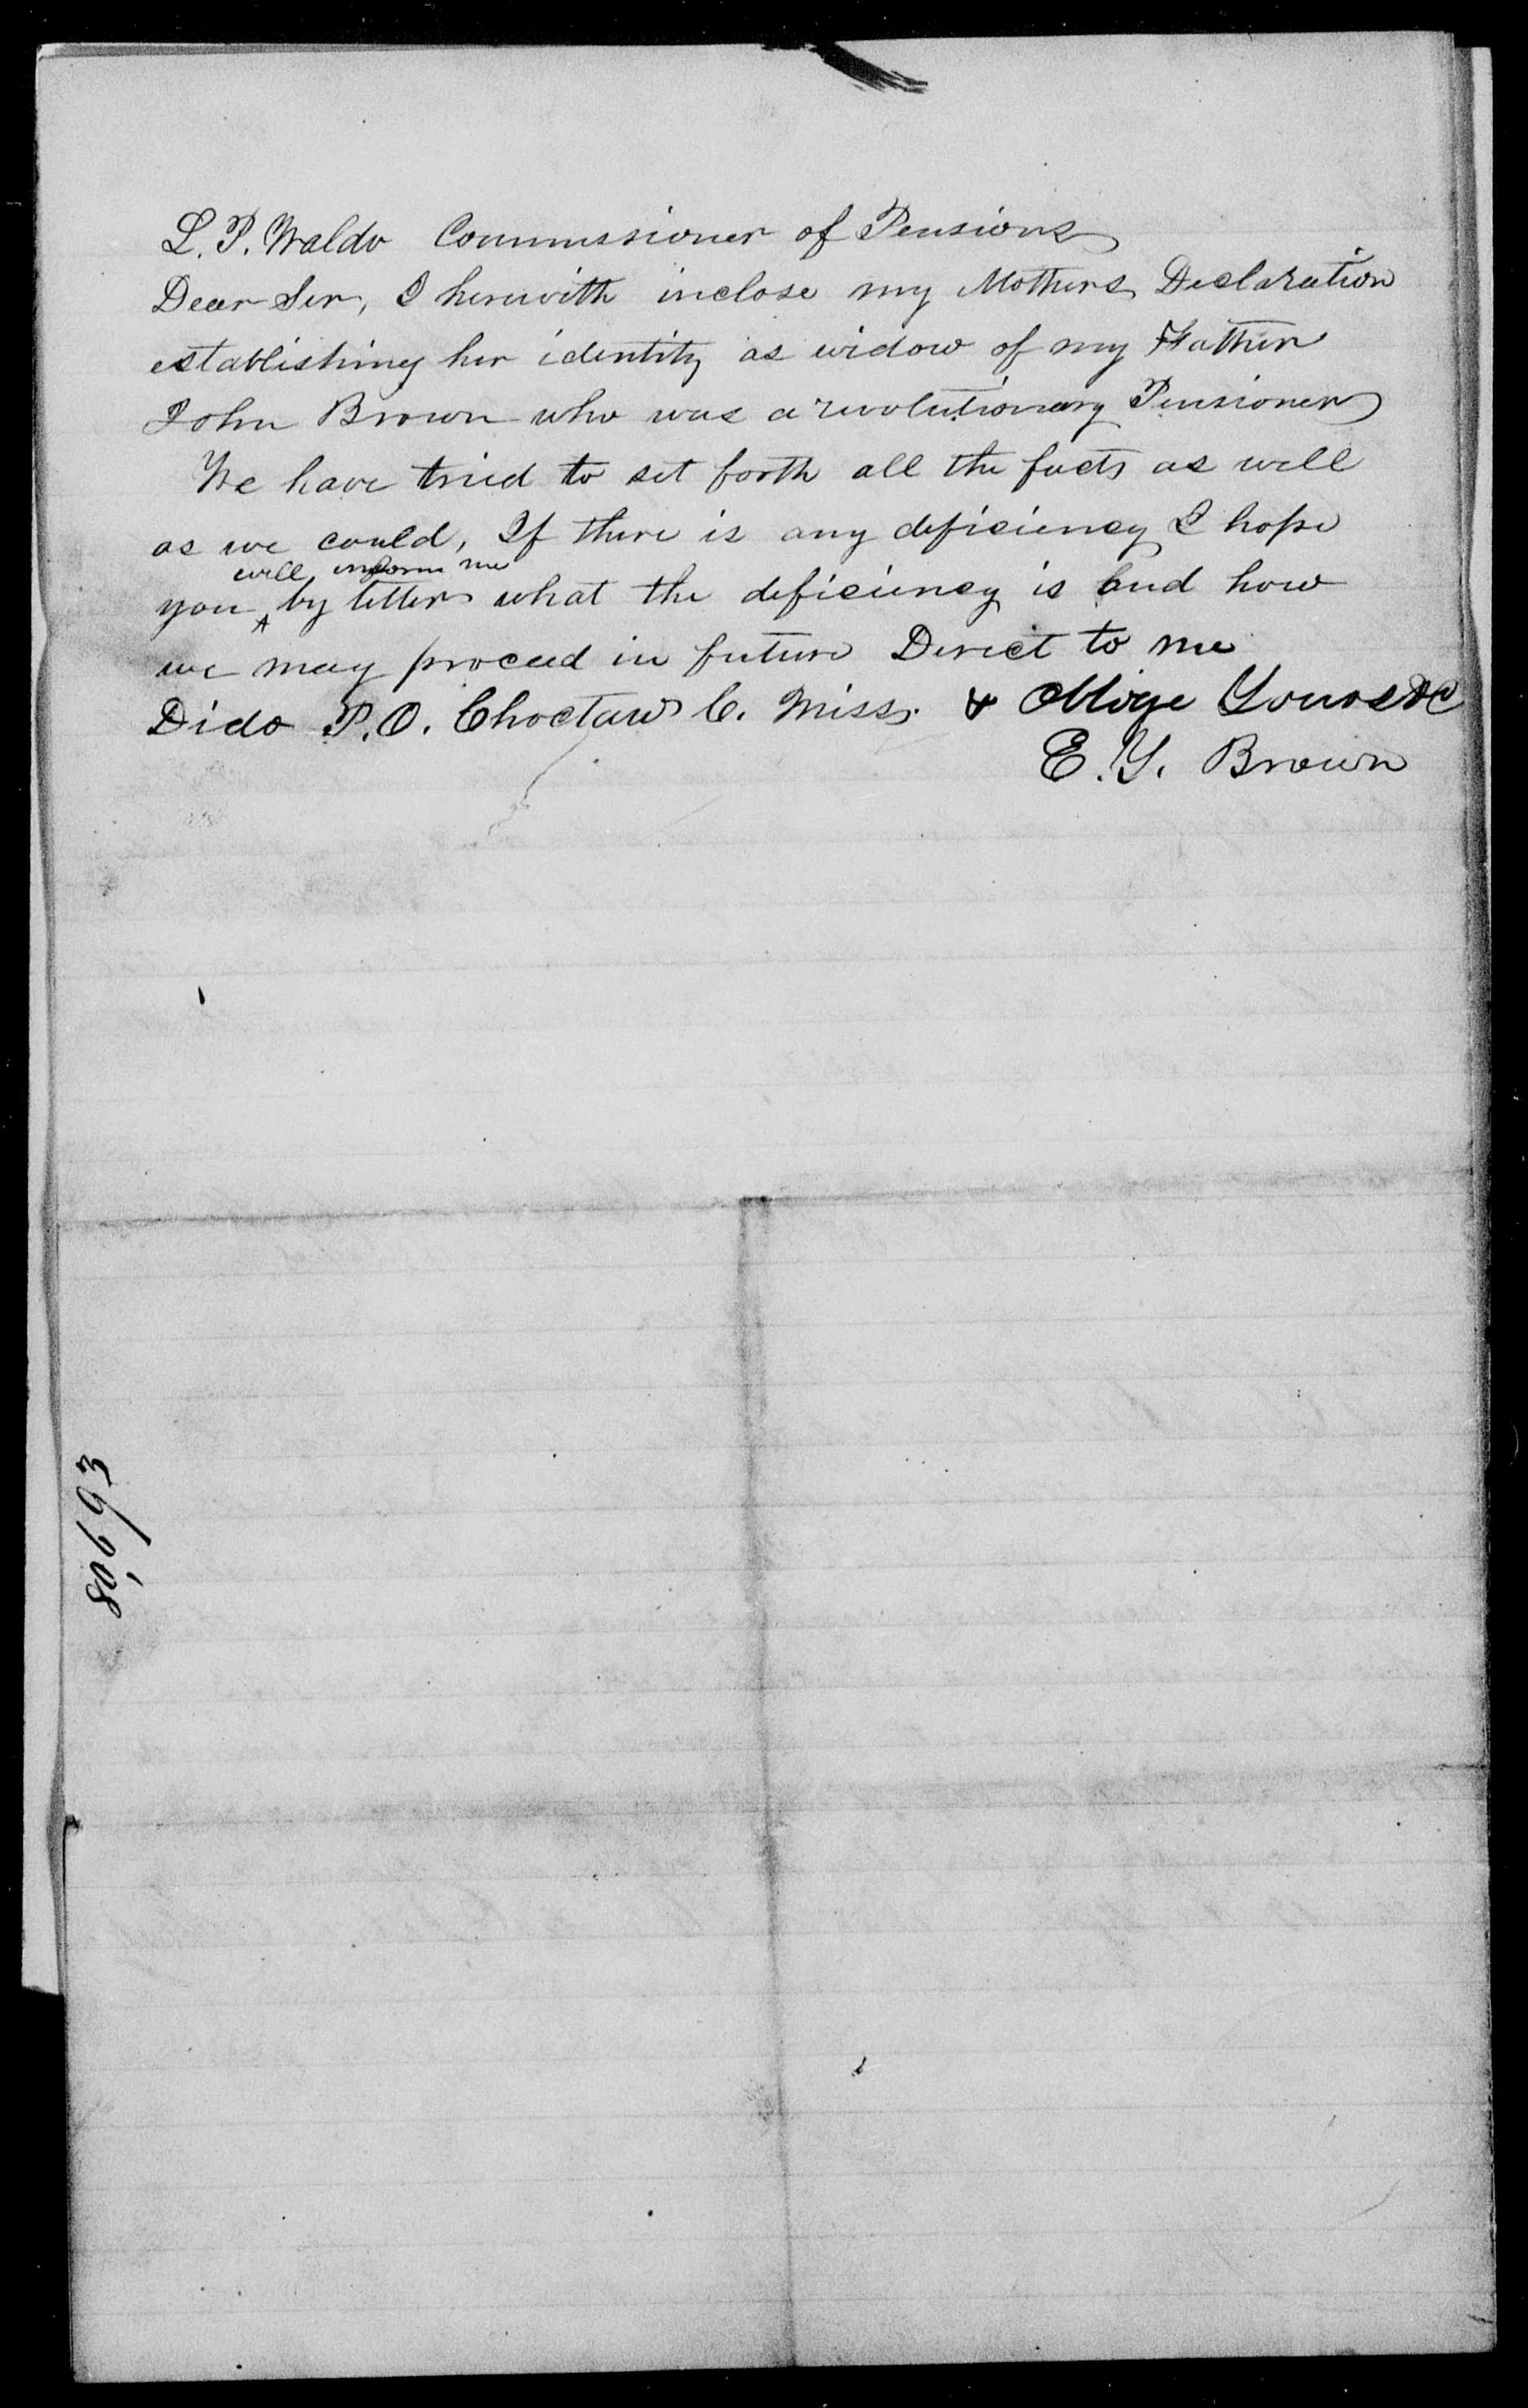L.P. Waldo Commissioner of Pensions
Dear Sir, I herewith inclose my Mothers Declaration establishing her identity as widow of my Father John Brown who was a revolutionary Pensioner. We have tried to set forth all the facts as well as we could. If there is any deficiency I hope you will inform me by letter what the deficiency is and how we may proceed in future Direct to me 
Dido P.O. Choctaw C. Miss.                                  & Oblige yours
E. Y. Brown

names: John Brown, E Y Brown, L P Waldo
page: 18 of 85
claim: widow's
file: W. 5,906, John Brown, S.C.